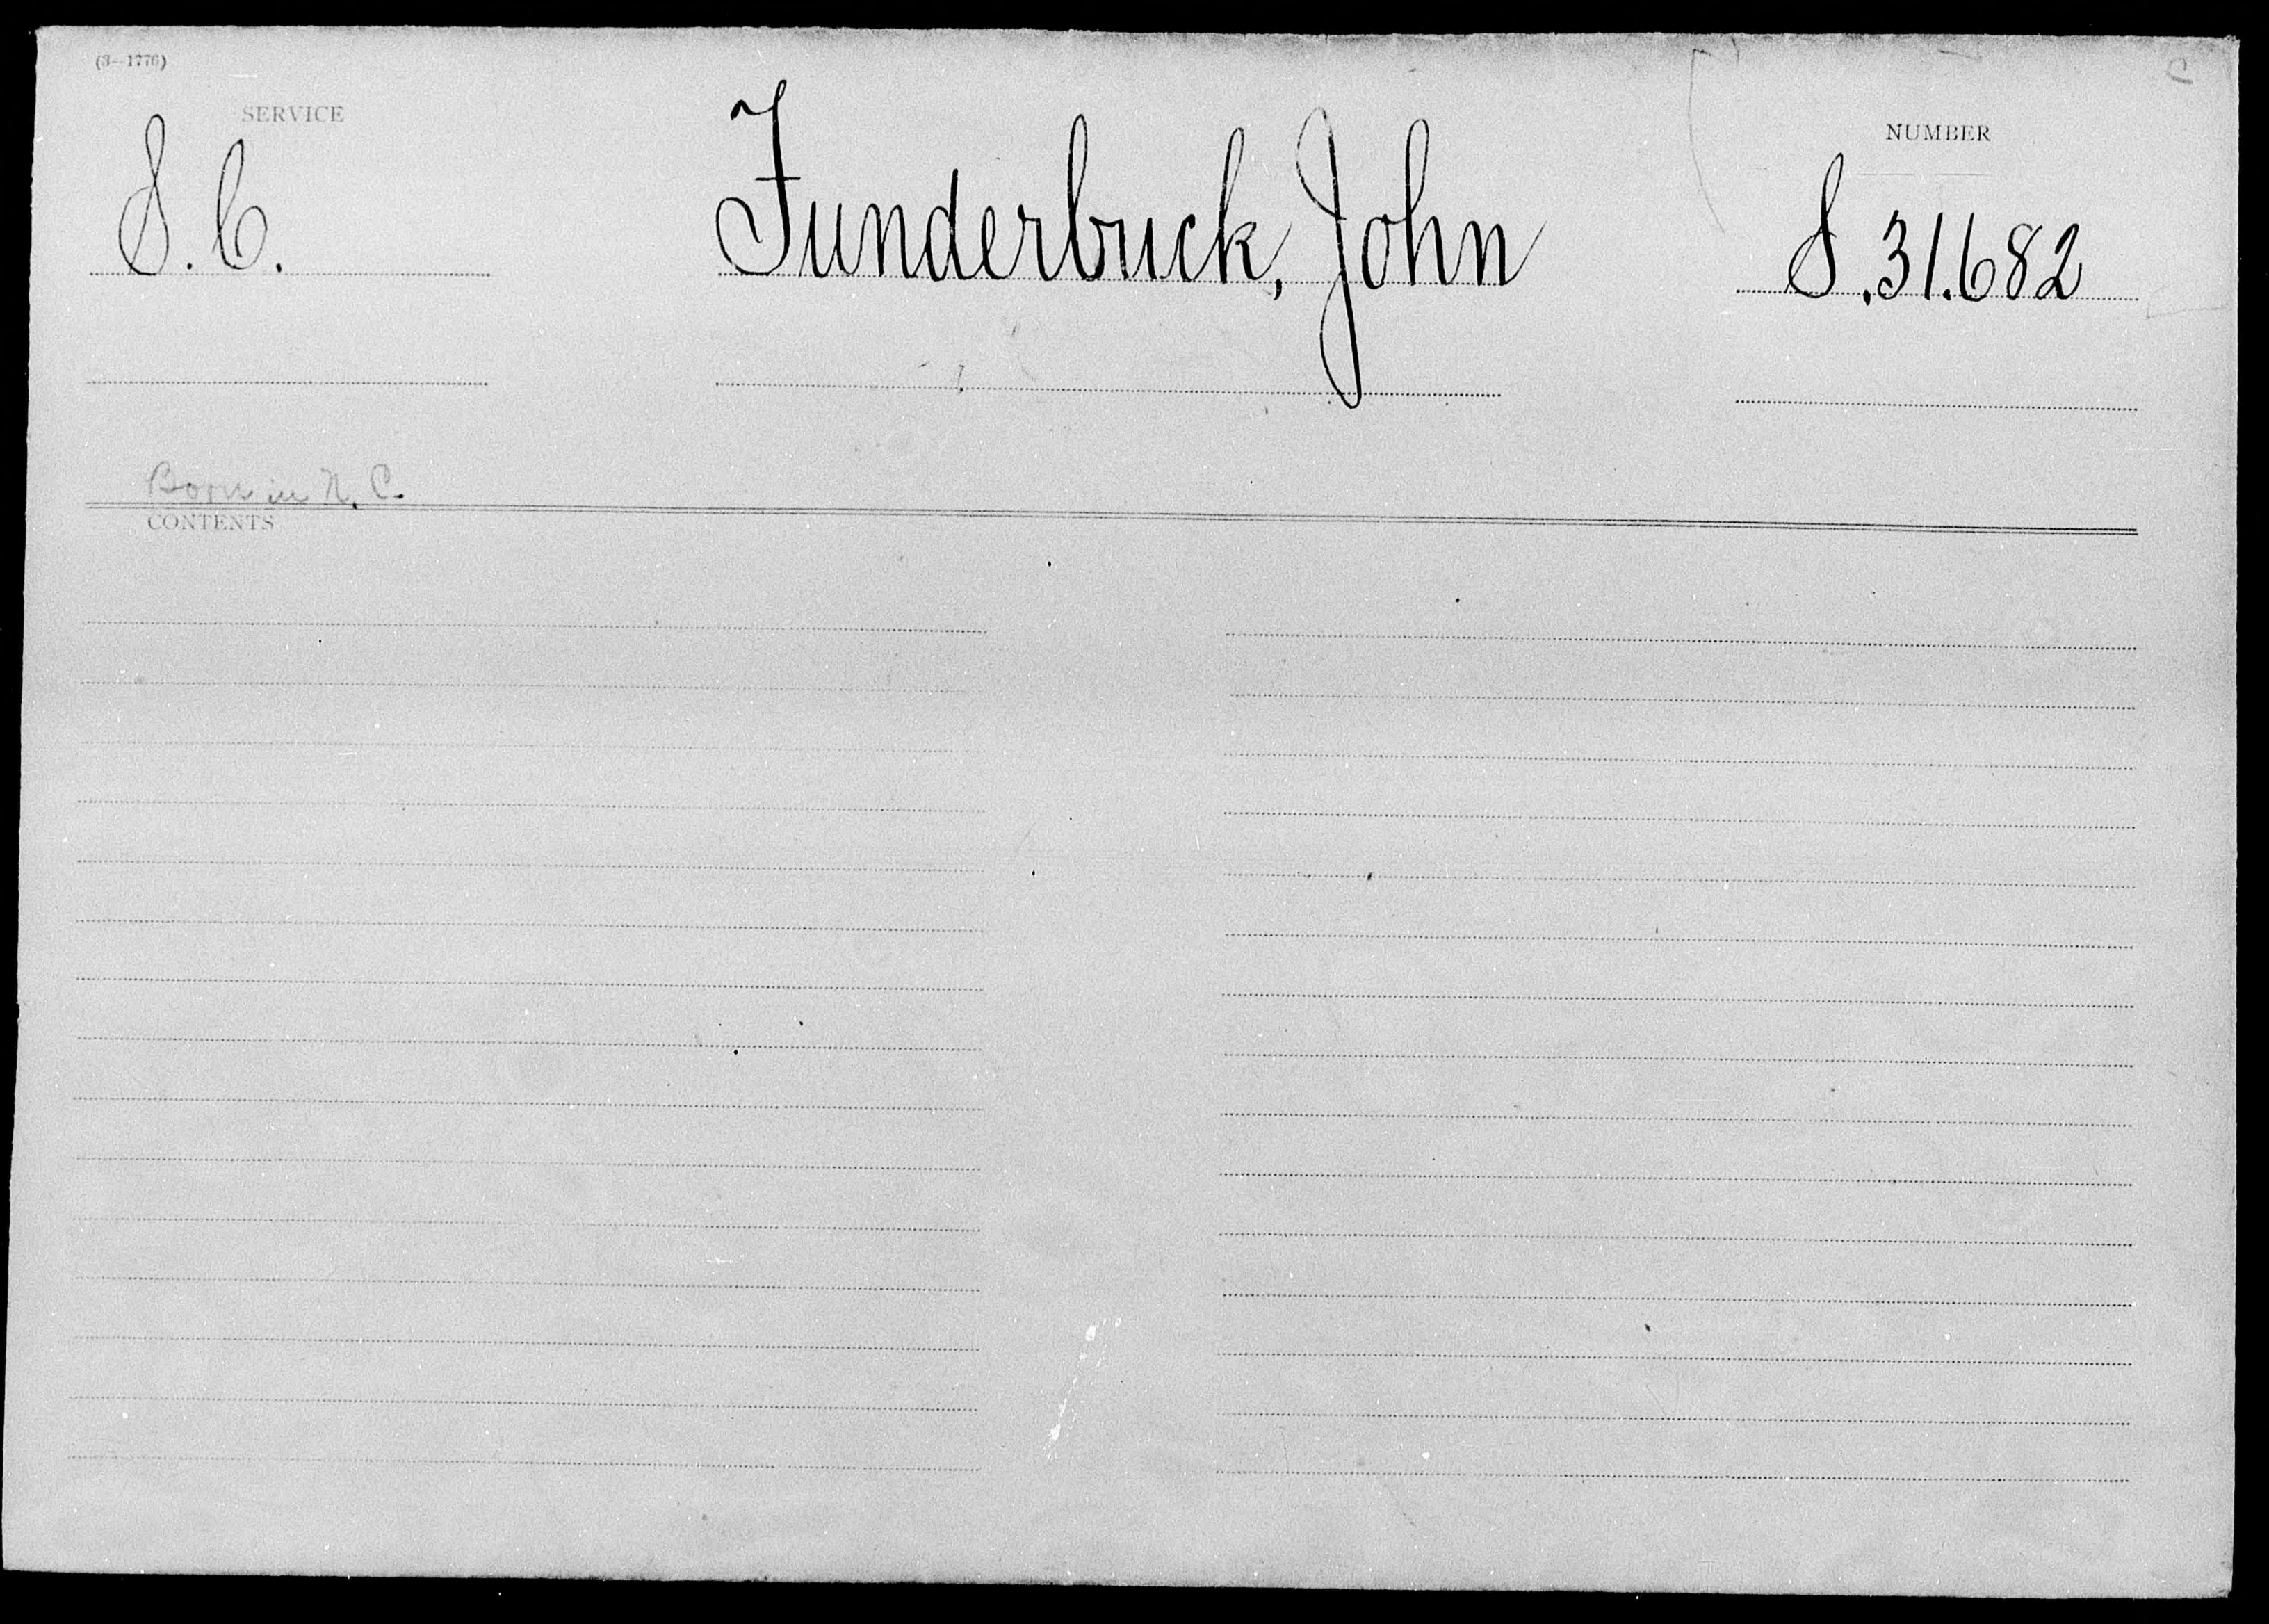Service S.C.
Funderbuck, John
Number S.31.682

Born in N.C.
Contents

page: 1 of 23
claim: survivor's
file: S. 31,682, John Funderbuck, S.C.